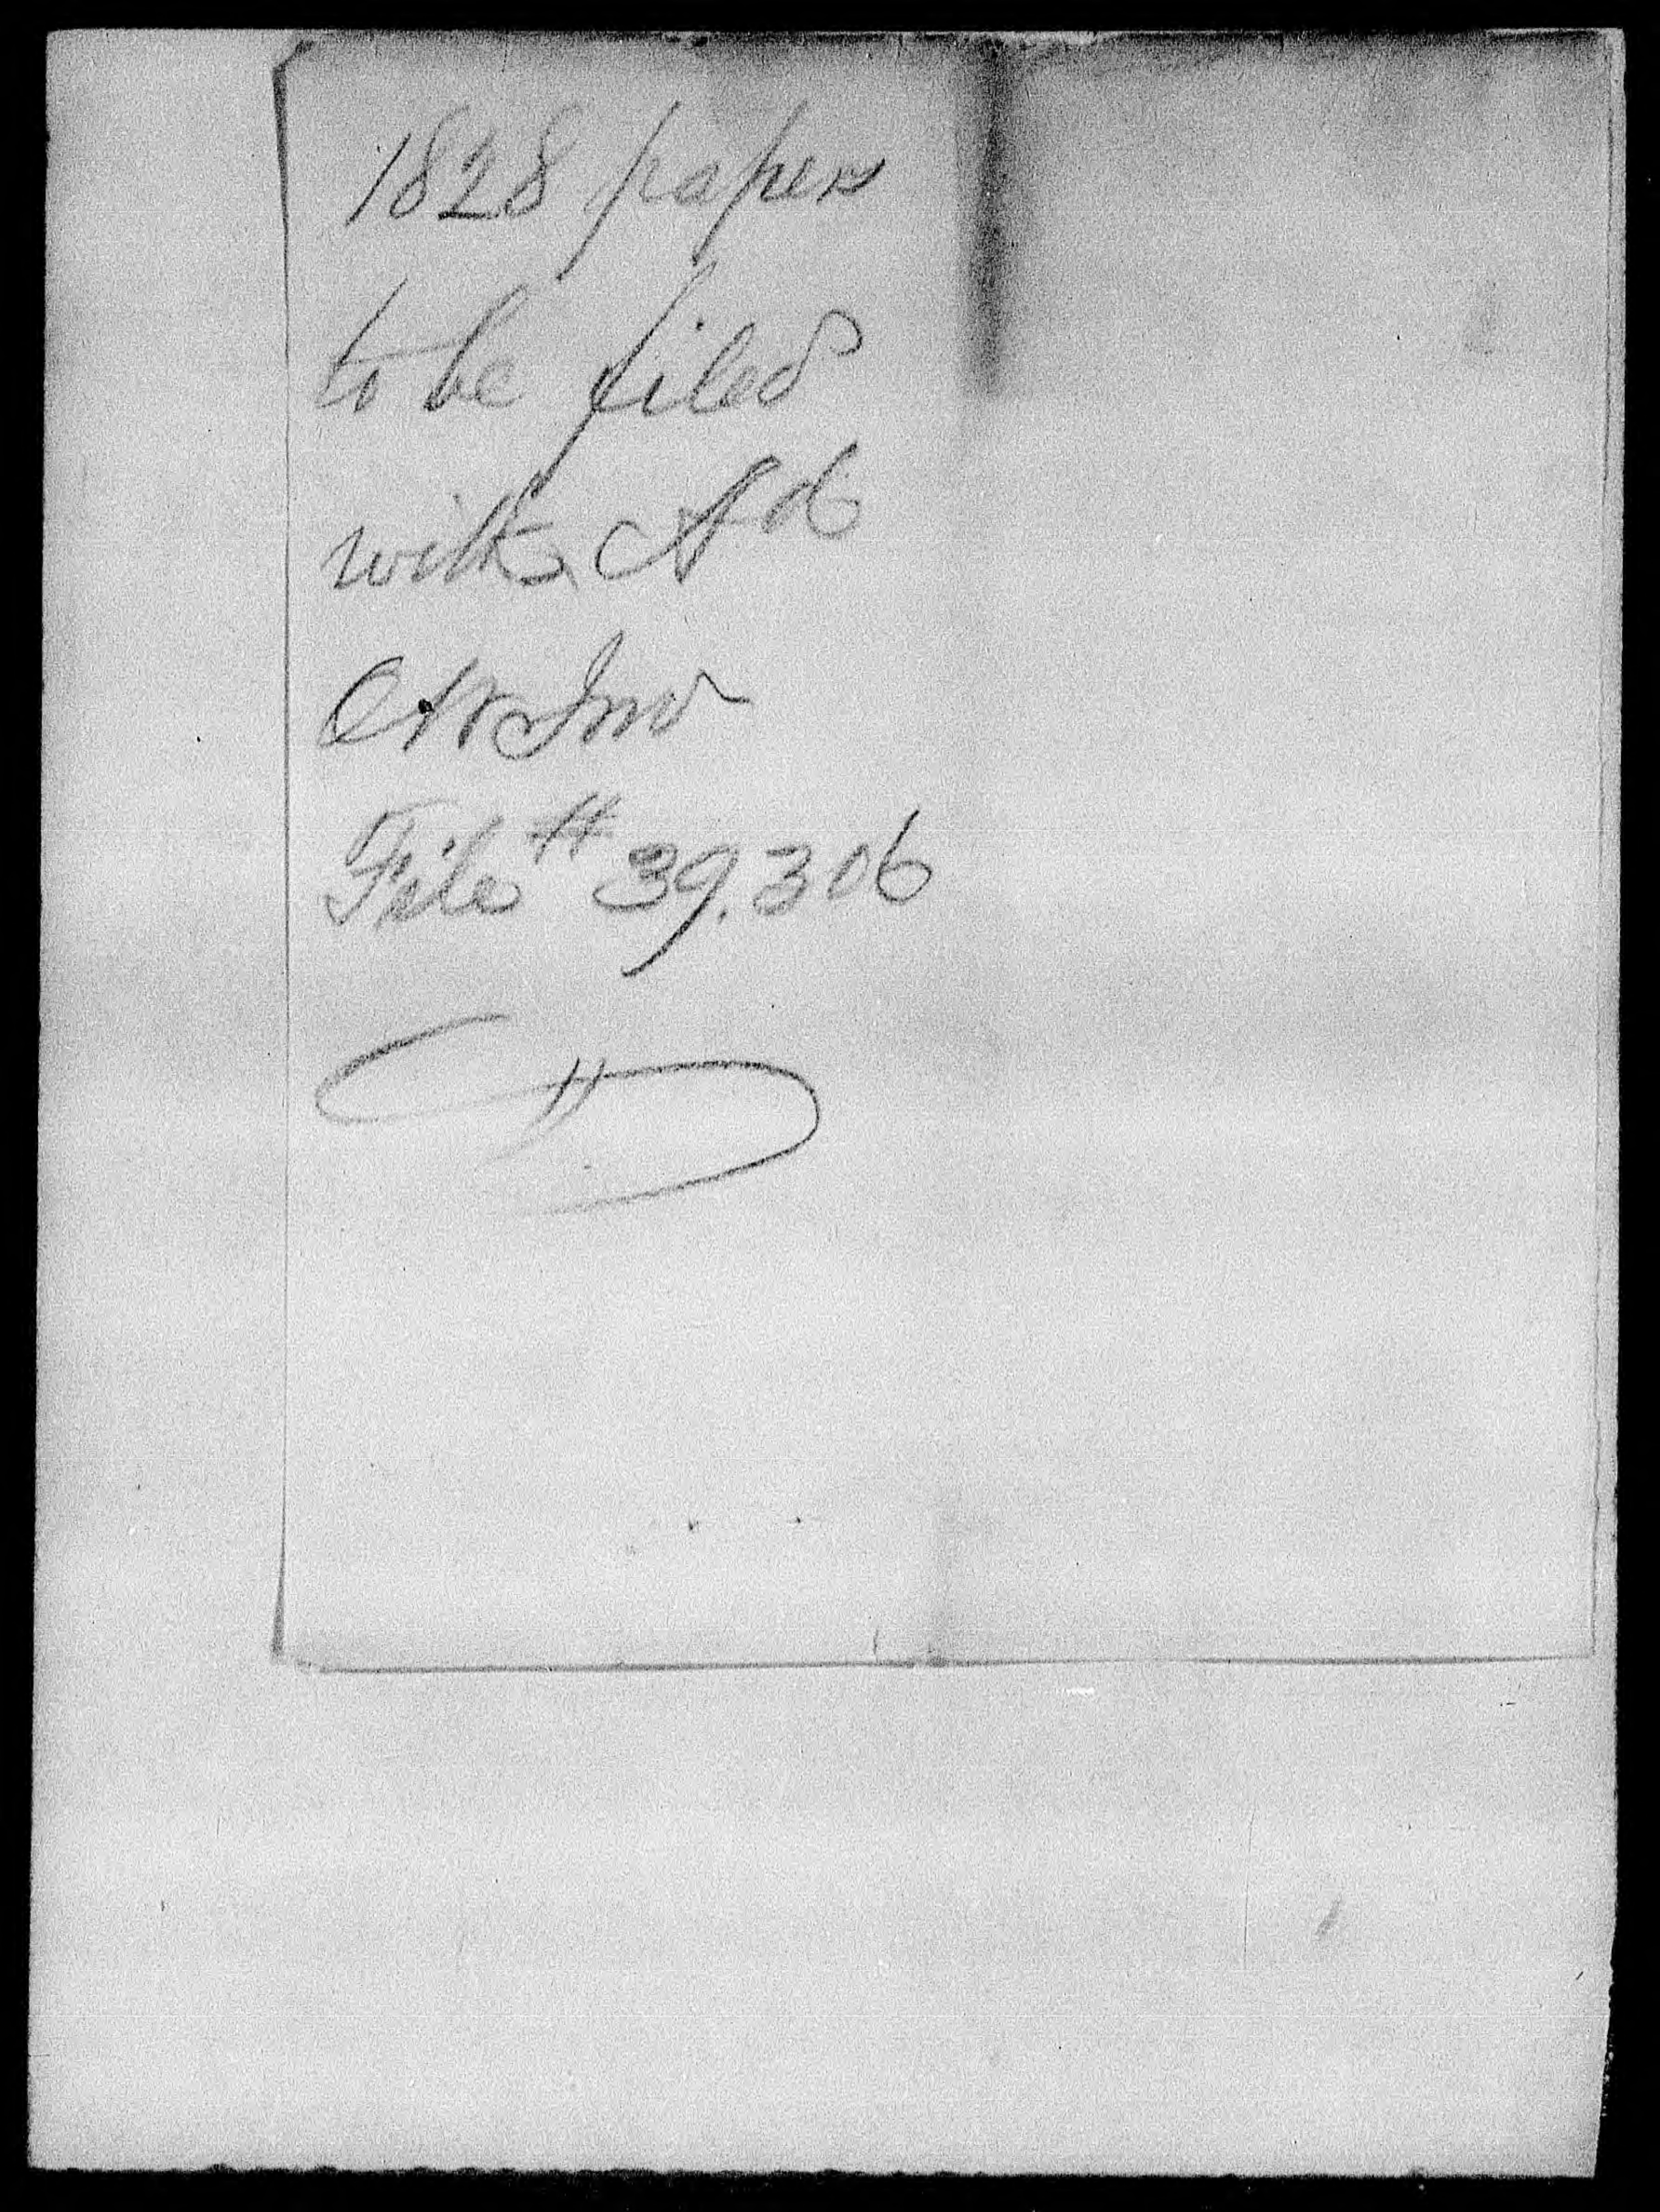1828 papers to be filed with Ad on Inv File #39.306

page: 28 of 30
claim: survivor's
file: S. 39306, Benjamin Chamberlin, Mass.